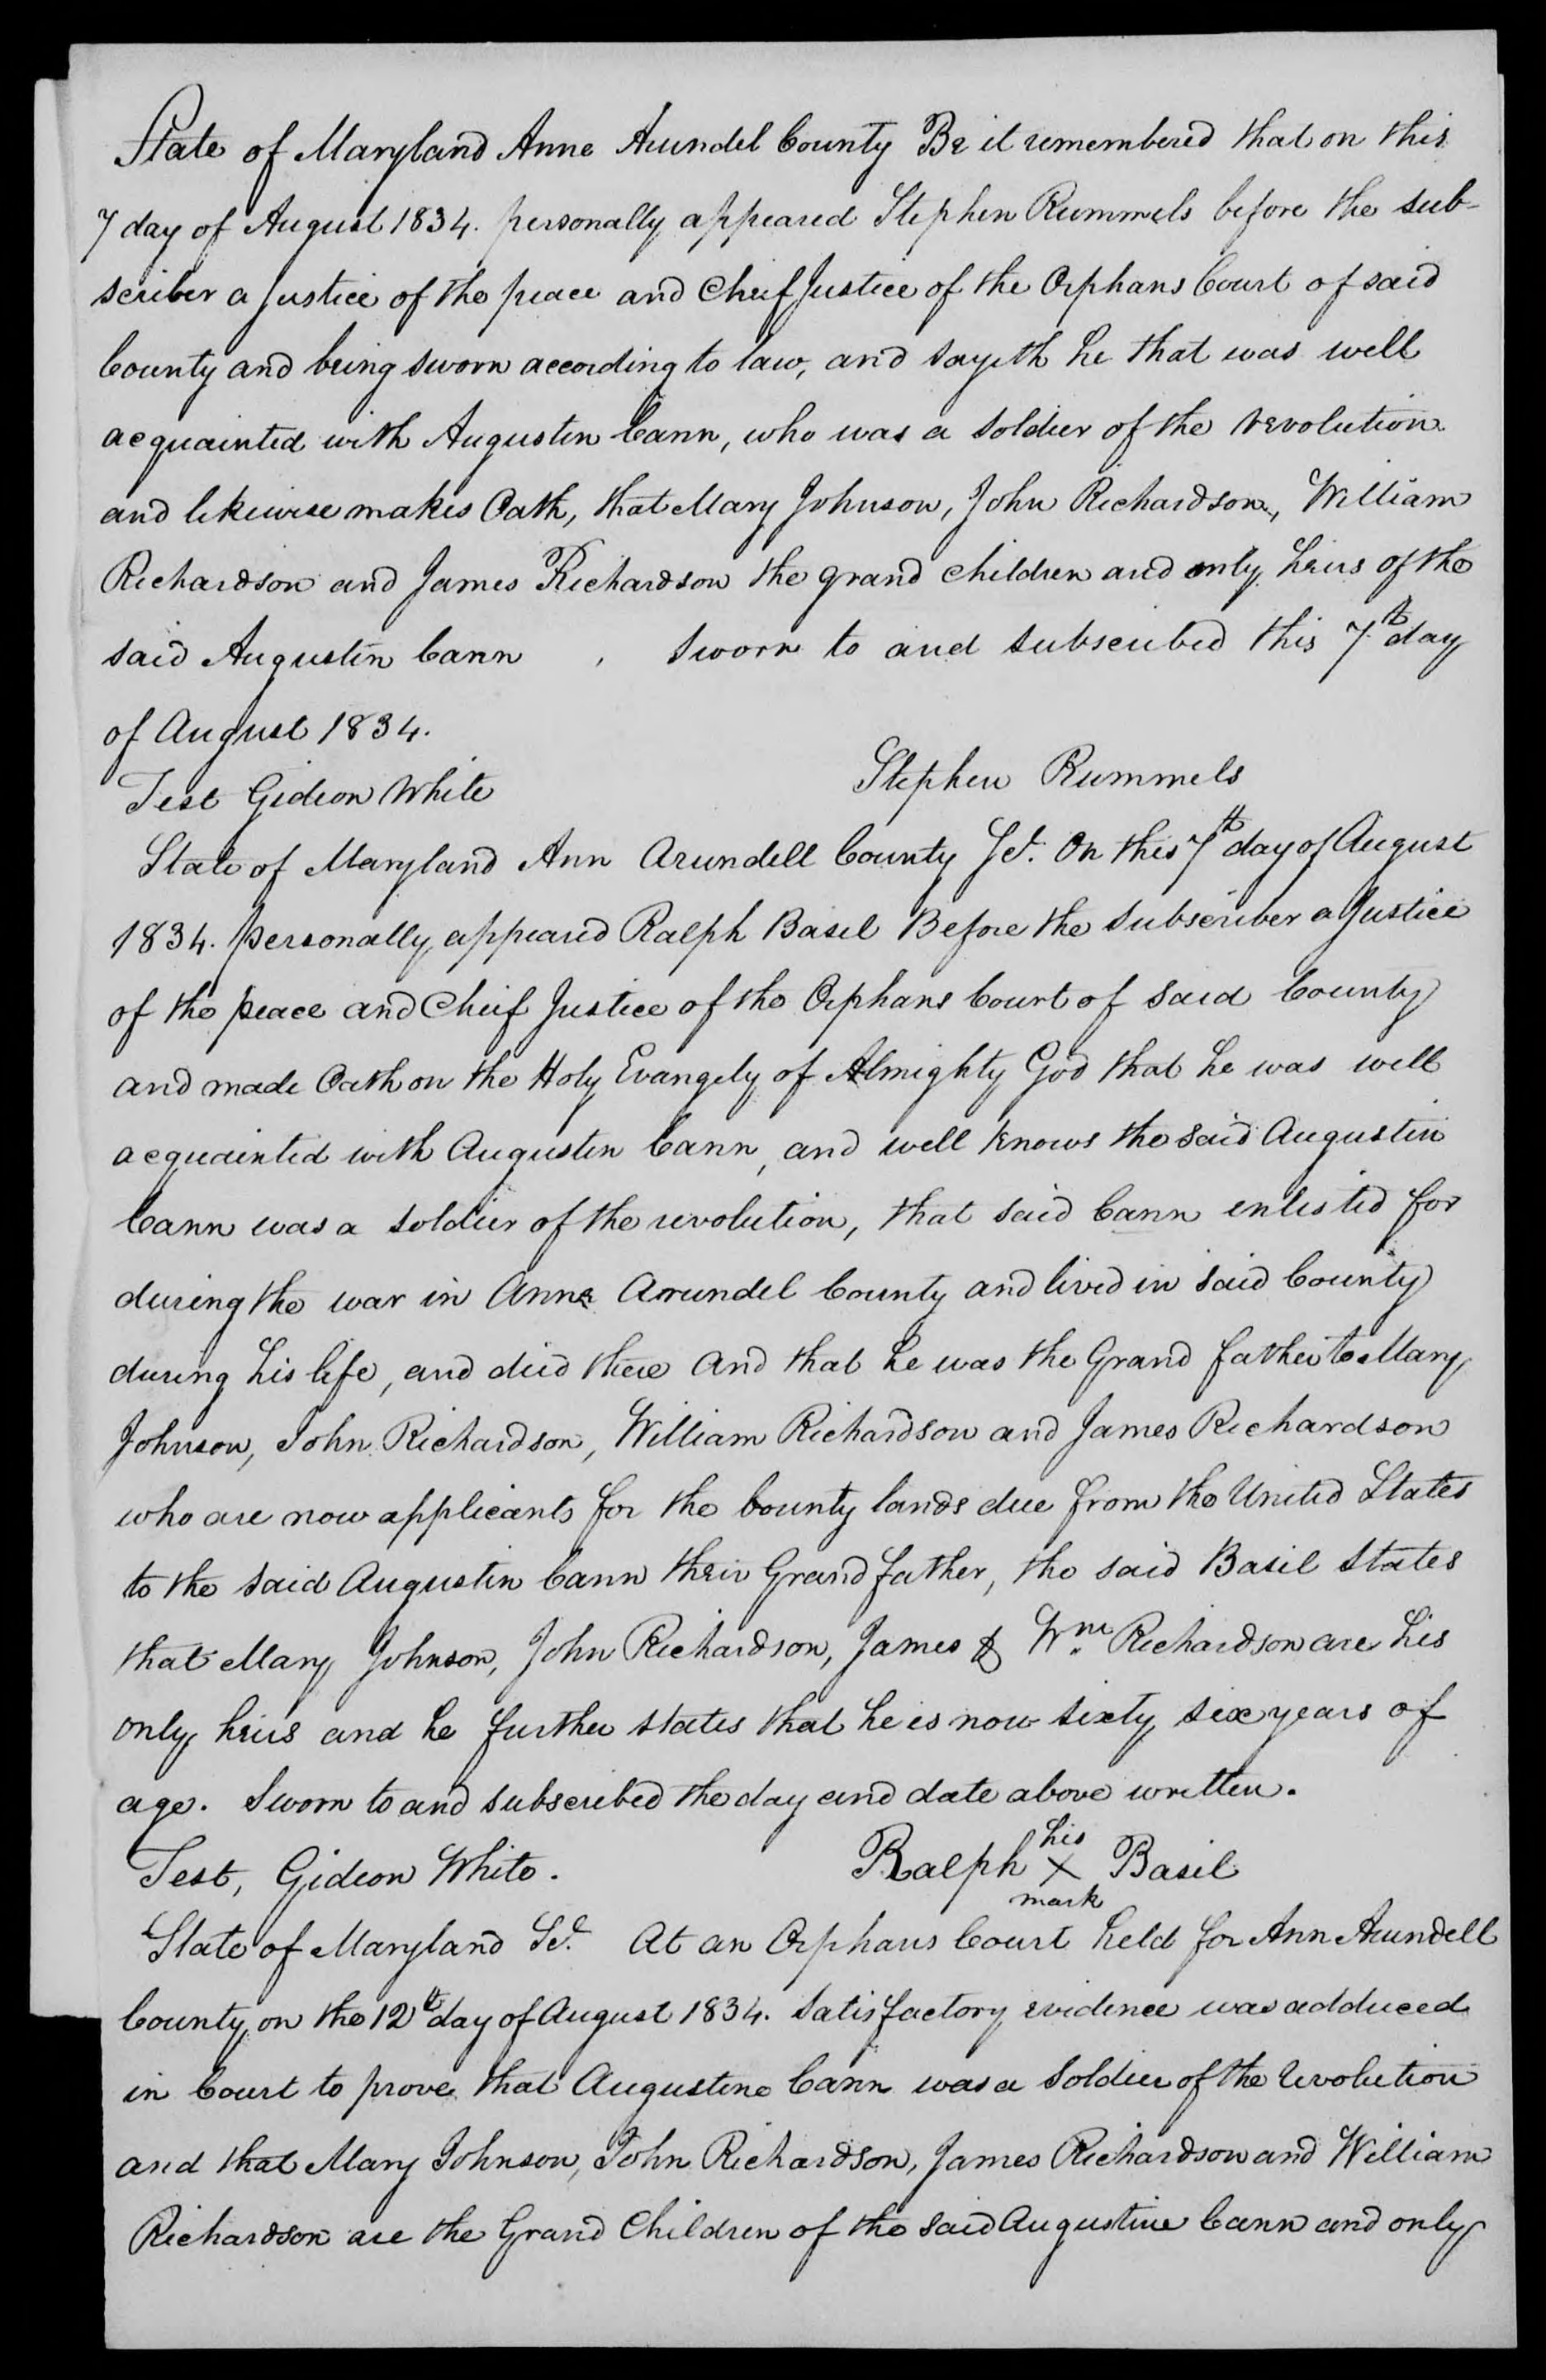State of Maryland Anne Arundel County Be it remembered that on this
7 day of August 1834 personally appeared Stephen Rummels before the subscriber
a Justice of the peace and Chief Justice of the Orphans Court of said
County and being sworn according to law, and sayeth he that was well
acquainted with Augustin Cann, who was a Soldier of the revolution
and likewise makes Oath, that Mary Johnson, John Richardson, William
Richardson and James Richardson the grand children and only heirs of the
said Augustin Cann, Sworn to and subscribed this 7th day
of August 1834.
Test Gideon White Stephen Rummels

State of Maryland Ann Arundell [Anne Arundel] County Sct. On this 7th day of August
1834 personally appeared Ralph Basil Before the Subscriber a Justice
of the peace and Chief Justice of the Orphans Court of Said County
and made Oath on the Holy Evangely of Almighty God that he was well
acquainted with Augustin Cann, and well knows the said Augustin
Cann was a soldier of the revolution, that said Cann enlisted for
during the war in Anne Arundel County and liven in Said County
during his life, and died there and that he was the Grand father to Mary
Johnson, Hohn Richardson, William Richardson and James Richardson
who are now applicants for the bounty lands due from the United States
to the said Augustin Cann their grandfather, who said Basil States
that Mary Johnson, John Richardson, James & Wm Richardson are his
only heirs and he further states that he is now sixty six years of
age. Sworn to and subcribed the day and date above written.
Test, Gideon White.  Ralph X ^his mark^ Basil

State of Maryland Sct. At an Orphans Court held for Ann Arundell [Anne Arundel]
County on the 12th day of August 1834. Satisfactory evidence was adduced
in Court to prove that Augustine Cann was a Soldier of the Revolution
and that Mary Johnson, John Richardson, James Richardson and William
Richardson are the grand children of the said Augustine Cann and only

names: Augustin Cann, Stephen Rummels, Stephen Rummels, Mary Johnson, Augustin Cann, John Richardson, John Richardson, Ralph Basil, William Richardson, Basil, Mary Johnson, Augustin Cann, James Richardson, James Richardson, Gideon White, James Richardson, John Richardson, William Richardson, Augustine Cann, Wm Richardson, Mary Johnson, James Richardson, Augustine Cann, Augustin Cann, Gideon White, Cann, Mary Johnson, Augustin Cann, John Richardson, William Richardson, Ralph Basil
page: 7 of 9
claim: bounty land warrant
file: B.L.Wt. 2059-100, Augustine Cann, Md.